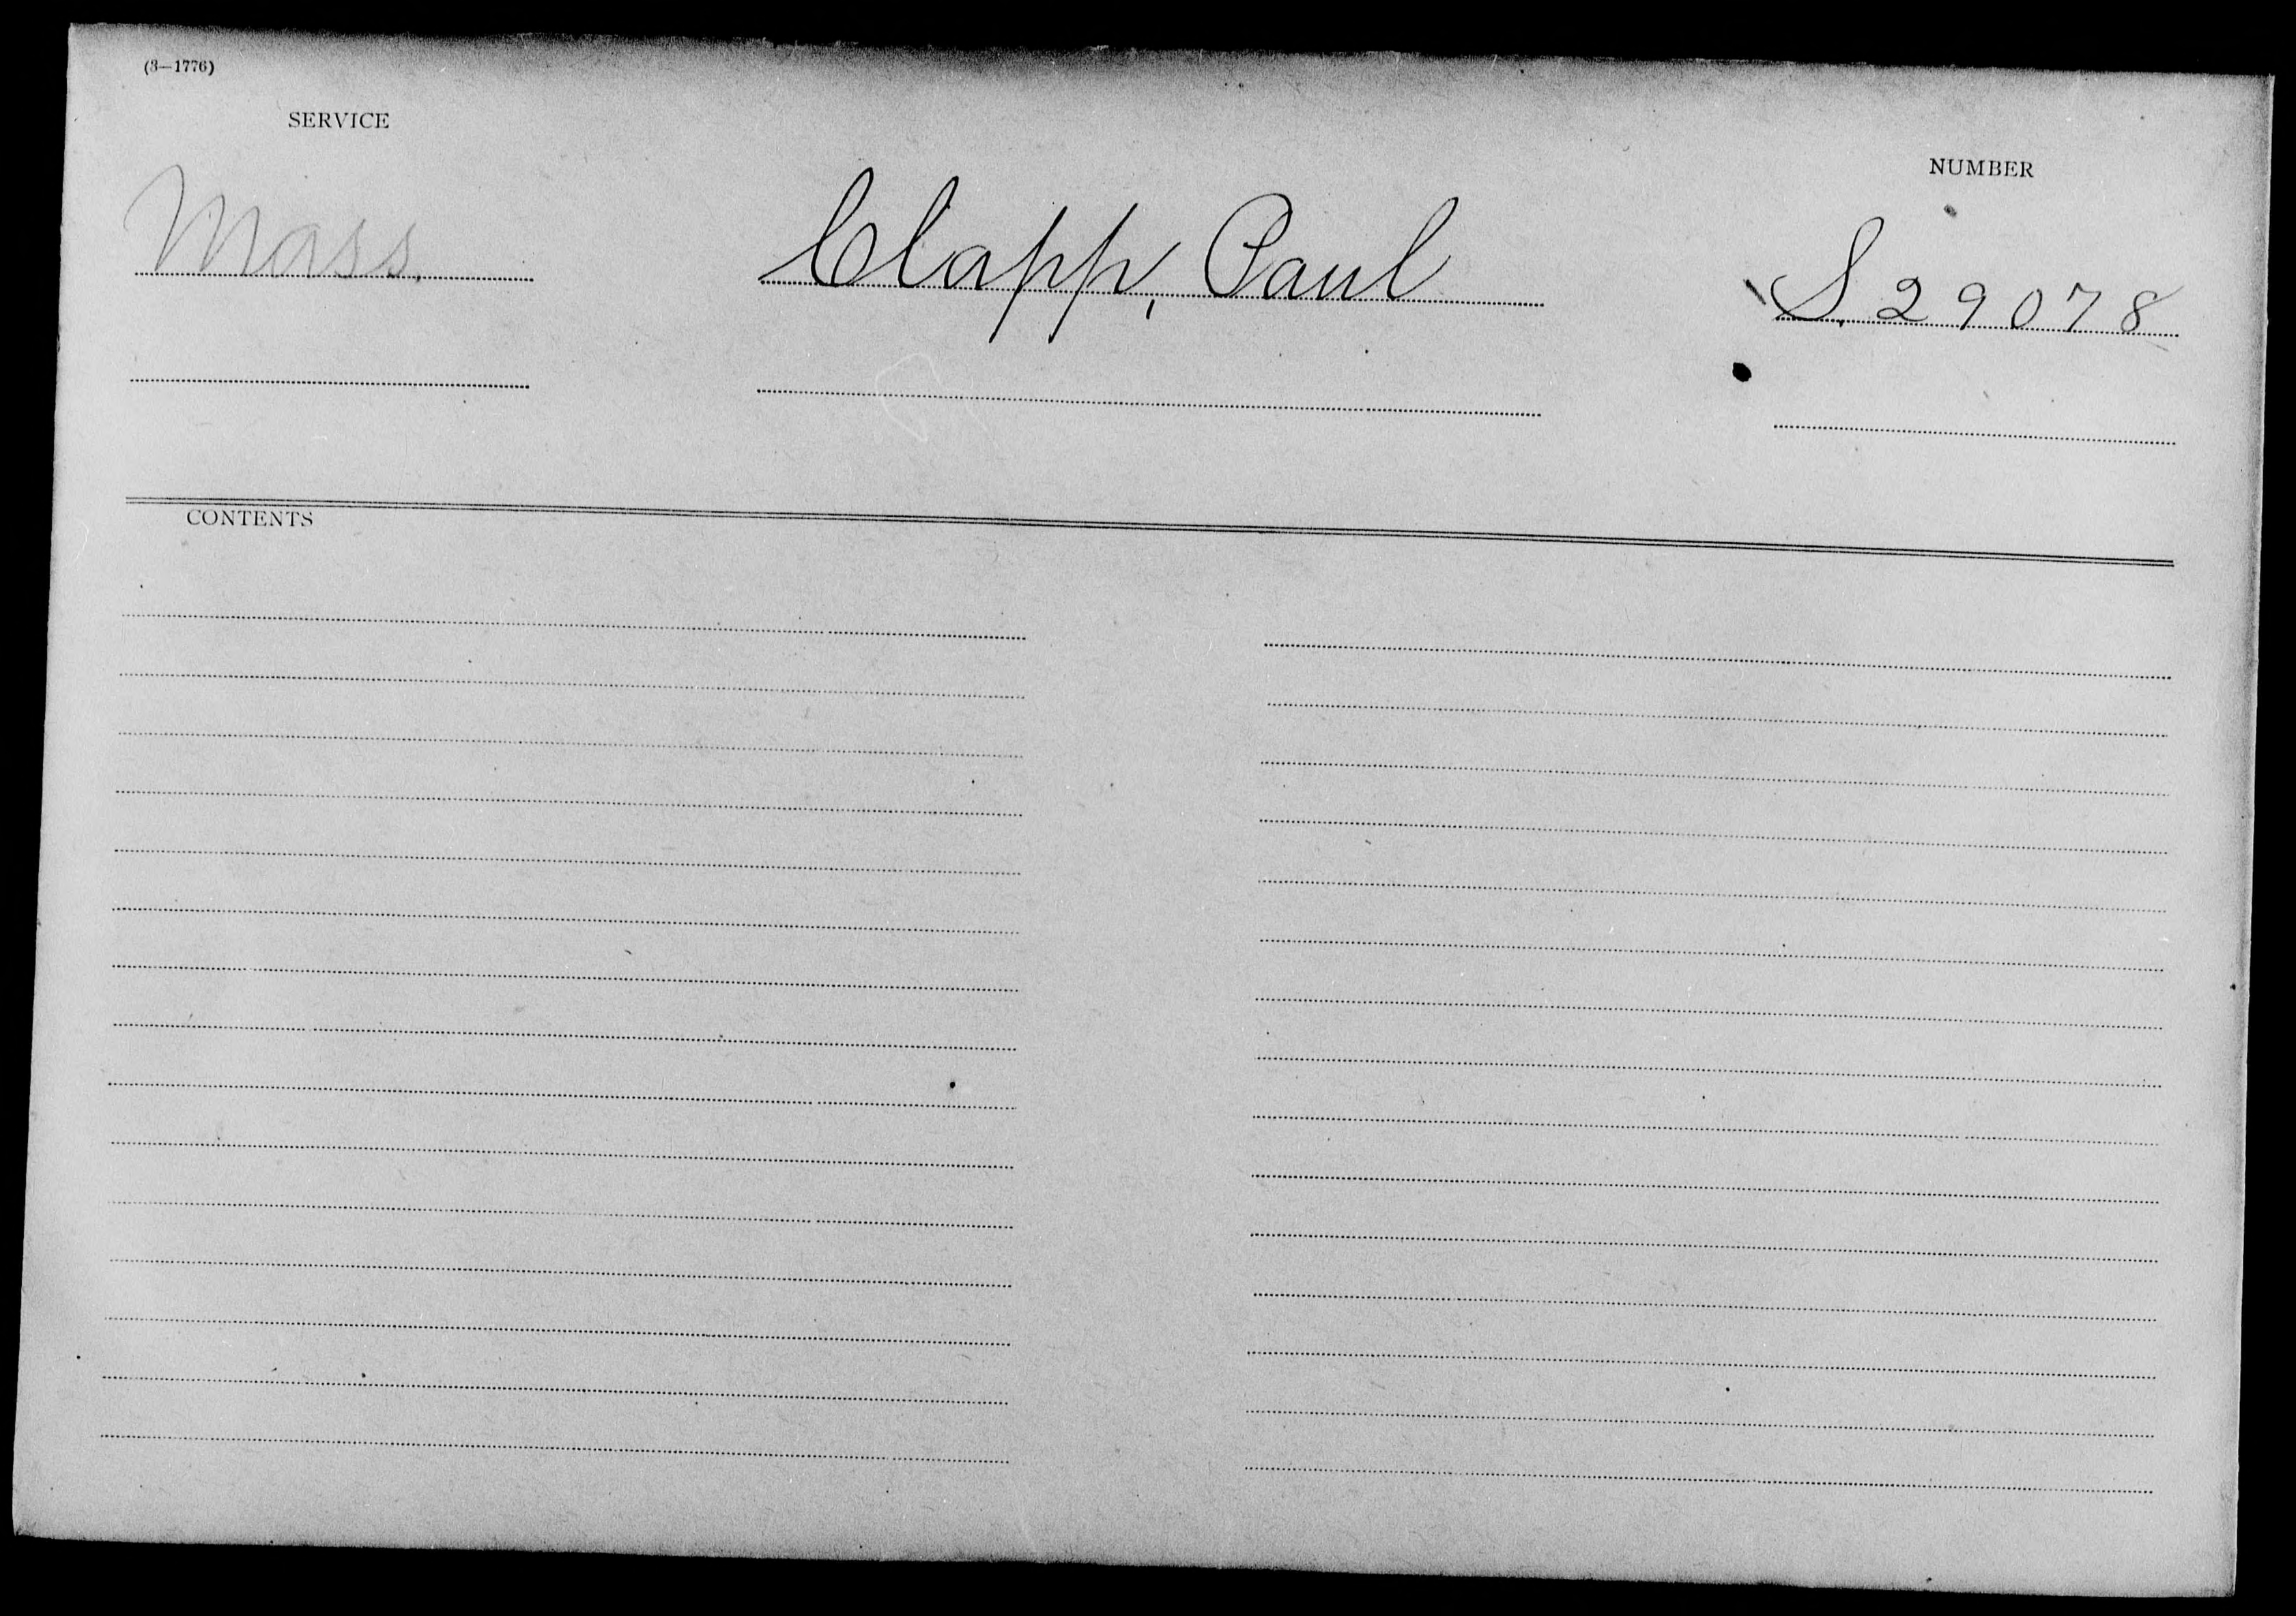(8-1776)
service   number
Mass. Clapp, Paul  S. 29078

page: 1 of 42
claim: survivor's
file: S. 29078, Paul Clapp, Mass.